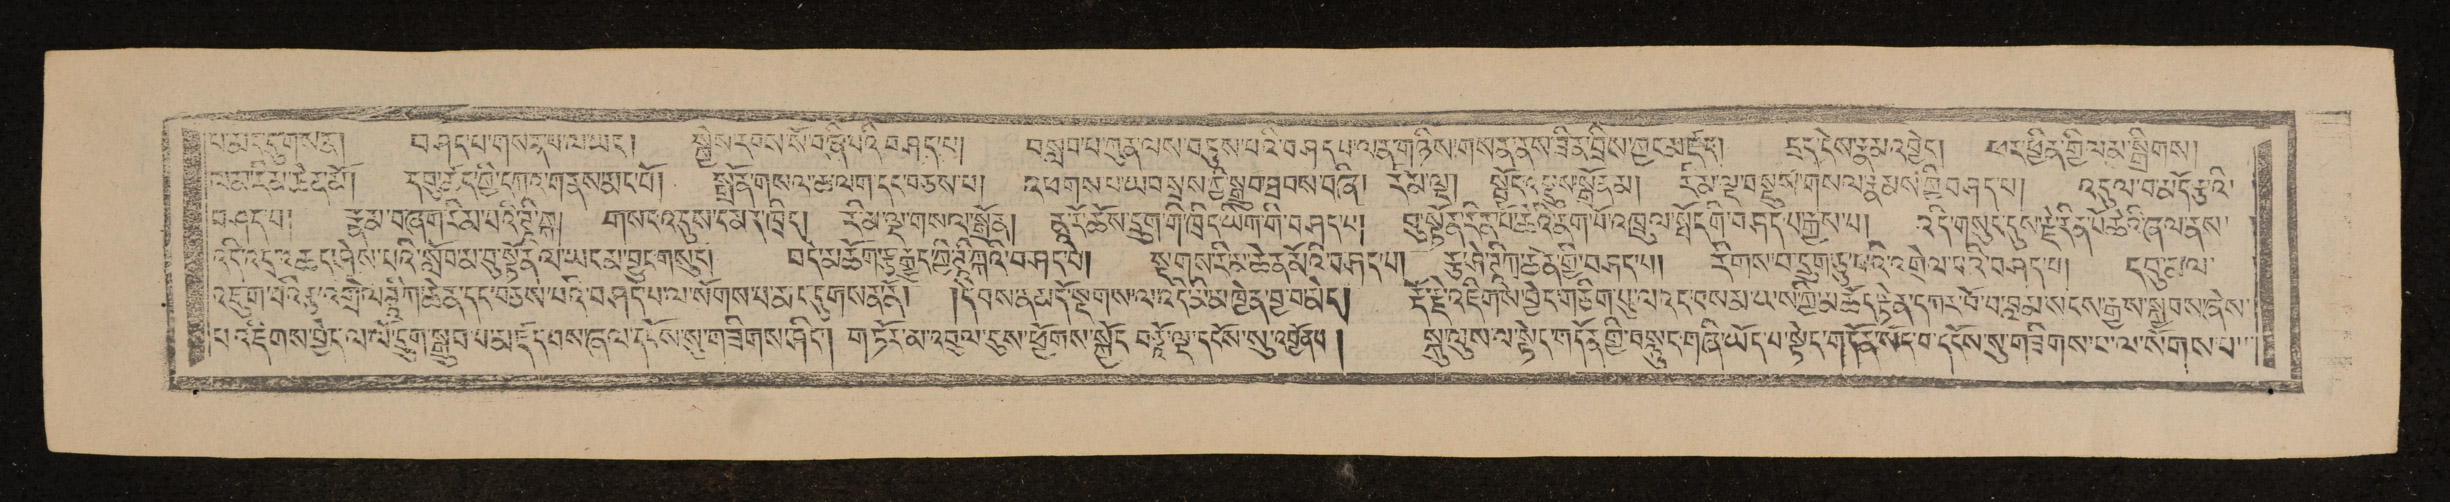པ་མང་དུ་གསན། བཤད་པ་གསན་པ་ལ་ཡང་། སྐྱེས་རབས་སོ་བཞི་པའི་བཤད་པ། བསླབ་པ་ཀུན་ལས་བཏུས་པའི་བཤད་པ་ལན་གཉིས་གསན་ནས་ཟིན་བྲིས་ཀྱང་མཛད། དྲང་ངེས་རྣམ་འབྱེད། ཕར་ཕྱིན་གྱི་ལམ་སྒྲིགས།
ལམ་རིམ་ཆེན་མོ། དབུ་ཚད་ཀྱི་དཀའ་གནས་མང་པོ། སྒྲོན་གསལ་ཆ་ལག་དང་བཅས་པ། འཕགས་པ་ཡབ་སྲས་ཀྱི་སྒྲུབ་ཐབས་བཞི། རིམ་ལྔ། སྦྱོད་བསྡུས་སྒྲོན་མ། རིམ་ལྔ་བསྡུས་གསལ་རྣམས་ཀྱི་བཤད་པ། འདུལ་བ་མདོ་རྩའི་
བཤད་པ། རྣམ་བཞག་རིམ་པའི་ཊཱིཀྐ། གསང་འདུས་དམར་ཁྲིད། རིམ་ལྔ་གསལ་སྒྲོན། ནཱ་རོ་ཆོས་དྲུག་གི་ཁྲིད་ཡིག་གི་བཤད་པ། བུ་སྟོན་རིན་པོ་ཆེའི་ནག་པོ་འཁྲུལ་སྤོང་གི་བཤད་པ་རྒྱས་པ། འདི་གསུང་དུས་རྗེ་རིན་པོ་ཆེའི་ཞལ་ནས་
འདི་འདྲ་འཆང་ཤེས་པའི་སློབ་མ་བུ་སྟོན་ལ་ཡང་མ་བྱུང་གསུང་། བདེ་མཆོག་རྩ་རྒྱུད་ཀྱི་ཊཱིཀྐའི་བཤད་པ། སྔགས་རིམ་ཆེན་མོའི་བཤད་པ། རྩ་ཤེ་ཊཱིཀ་ཆེན་གྱི་བཤད་པ། རིགས་པ་དྲུག་ཅུ་པའི་འགྲེལ་པའི་བཤད་པ། དབུ་མ་ལ་
འཇུག་པའི་རྩ་འགྲེལ་ཊཱིཀ་ཆེན་དང་བཅས་པའི་བཤད་པ་ལ་སོགས་པ་མང་དུ་གསན་ནོ། །དེ་བས་ན་མདོ་སྔགས་ལ་འདི་མི་མཁྱེན་བྱ་བ་མེད། རྡོ་རྗེ་འཇིགས་བྱེད་གཅིག་པུ་ལའང་བསམ་ཡས་ཀྱི་མཆོད་རྟེན་དཀར་པོ་བ་བླ་མ་སངས་རྒྱས་སྐྱབས་ཞེས་
པ་འཇིགས་བྱེད་ལ་ལོ་དྲུག་སྒྲུབ་པ་མཛད་པས་ཞལ་དངོས་སུ་གཟིགས་ཤིང་། གཏོར་མ་འབུལ་དུས་ཕྱོགས་སྐྱོང་བཅྭོ་ལྔ་དངོས་སུ་འབྱོན་པ། སྐུ་ལུས་ལ་སྟེང་གདོན་གྱི་བསྙུང་གཞི་ཡོད་པ་སྟེང་གདོན་སོང་བ་དངོས་སུ་གཟིགས་པ་ལ་སོགས་པ་